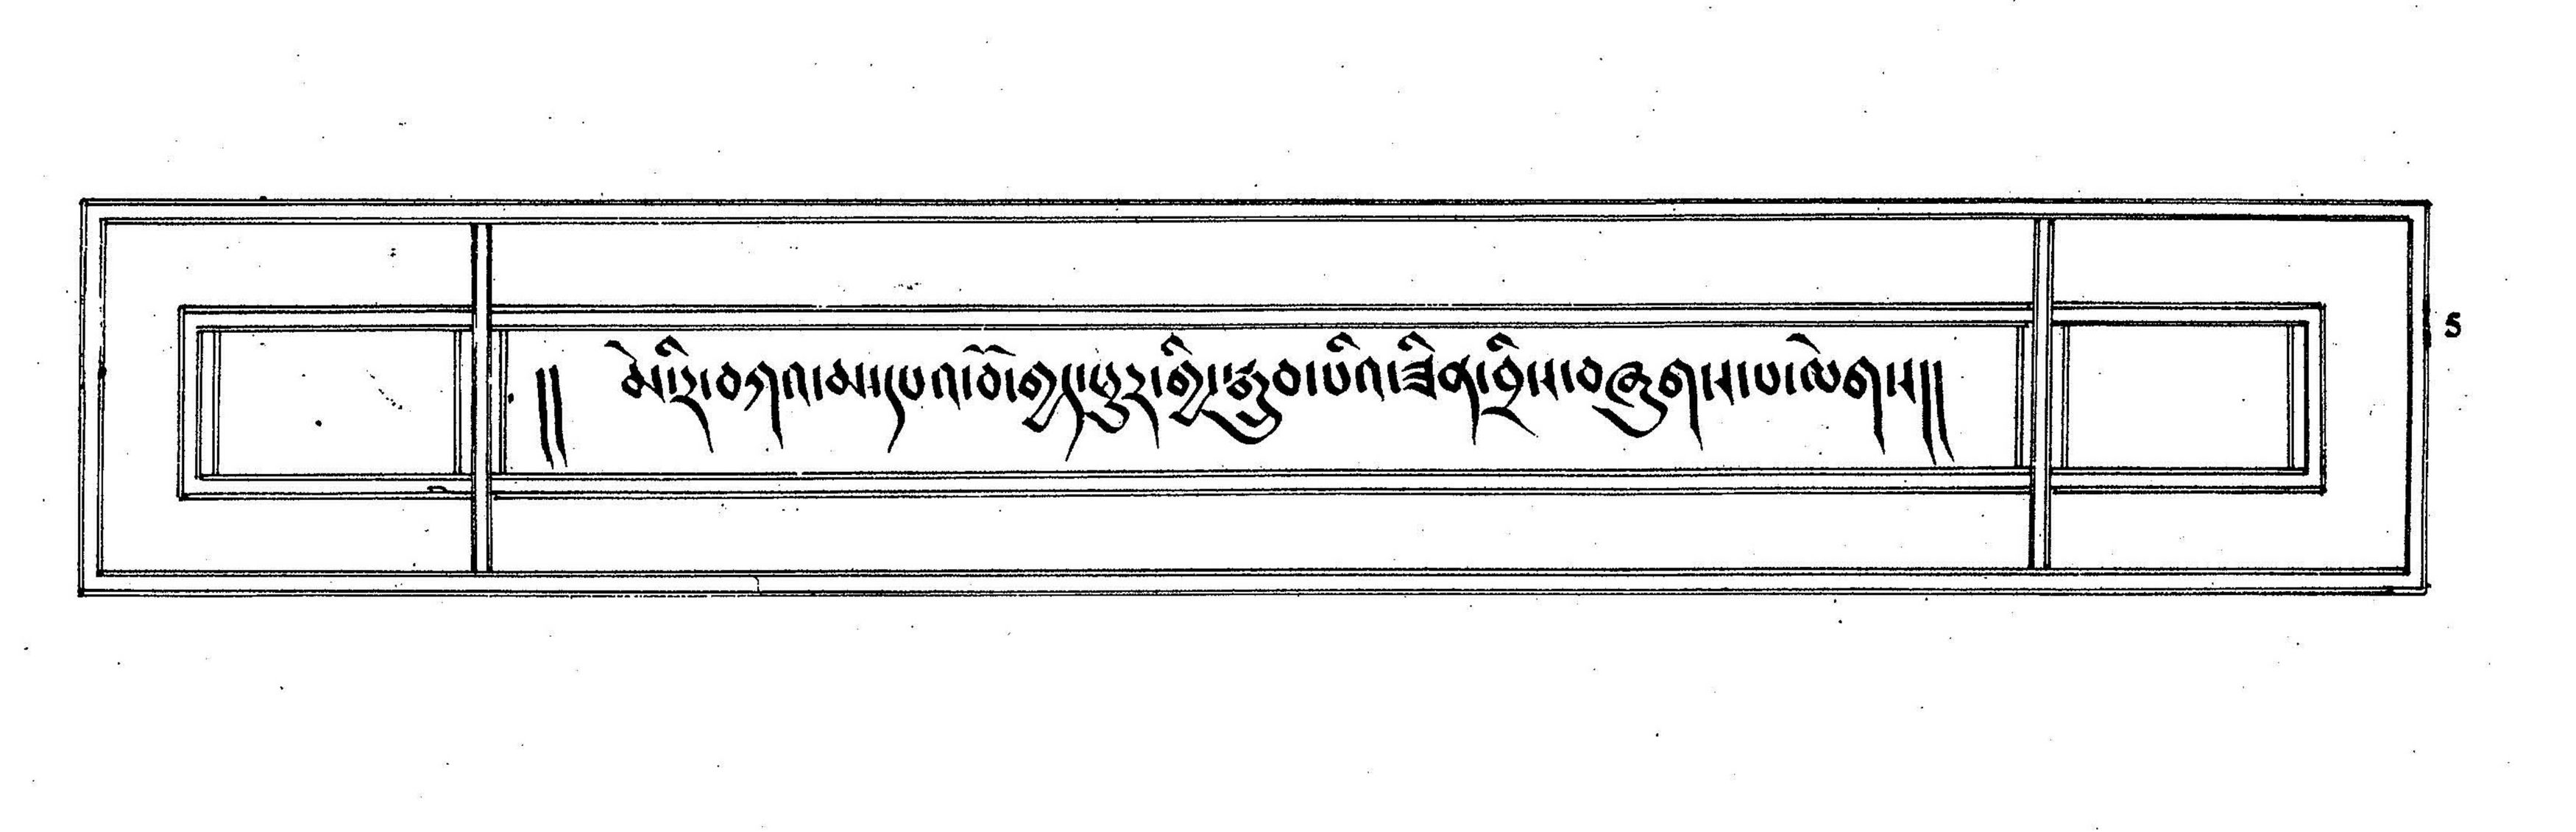།། མེ་རི་བཀའ་མ་དཔའ་བོ་གྱད་ཕུར་གྱི་སྒྲུབ་པའི་ཟིན་བྲིས་བཞུགས་པ་ལེགས།།